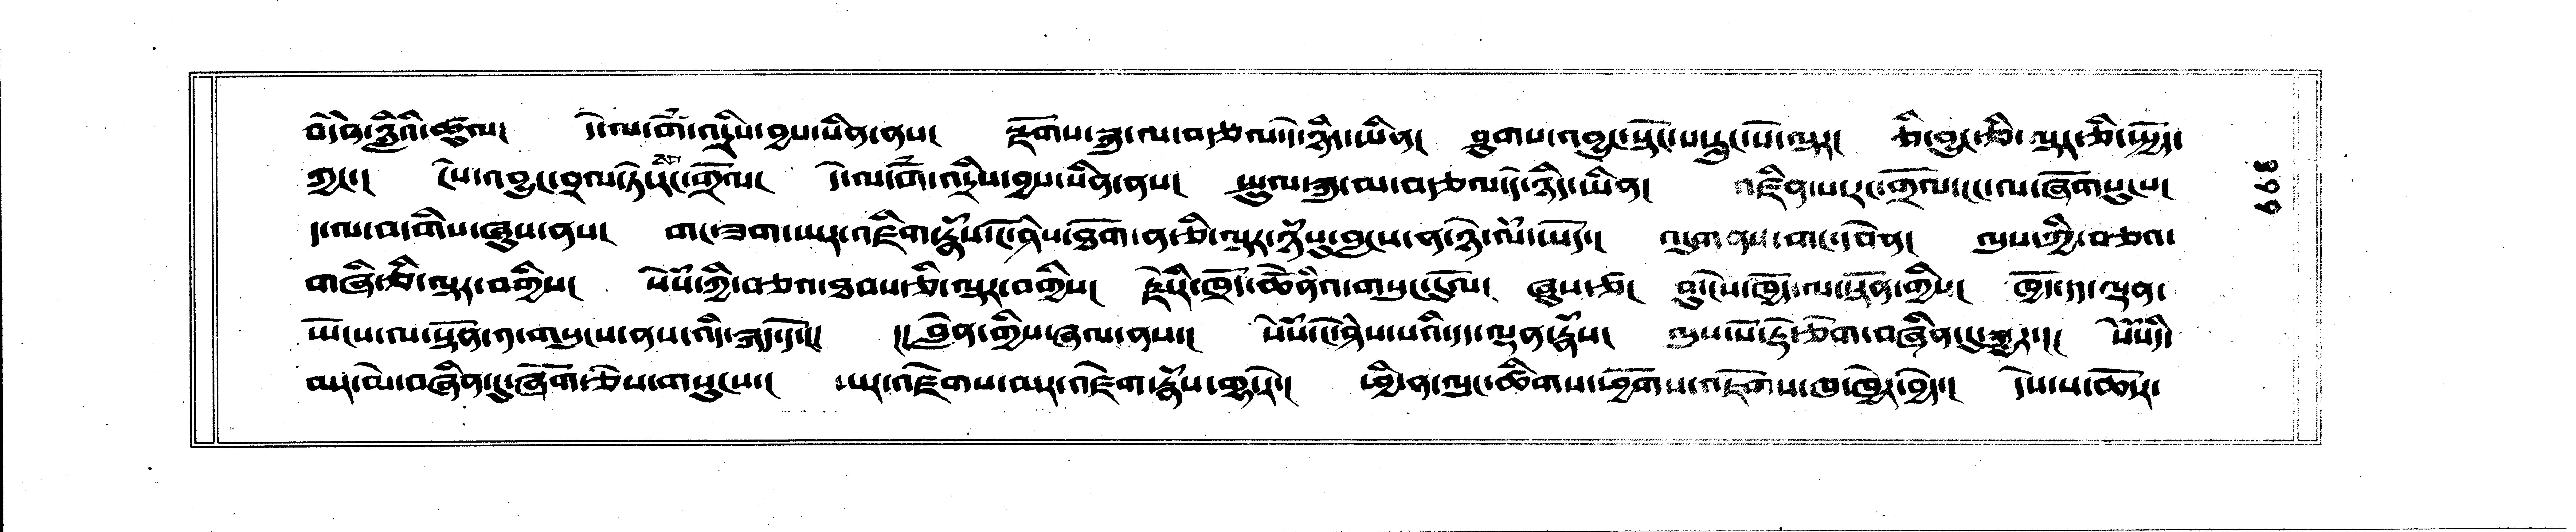བདེ་ཆེན་ཉི་ཟླའི་ཚུལ། དེ་ལ་གོམས་འདྲིས་བྱས་སིན་ན། རྫོགས་སྐུ་མ་བརྩལ་དེ་ཉིད་ཡིན། ཤུག་འབྱུང་སྟོང་པ་རླུང་པོ་ལྟར། ཅི་བྱུང་ཅི་ཤར་ཅི་སྤྱོད་
རྣམས། ངོས་བཟུང་བྲལ་ཏེ་རང་སར་གྲོལ། དེ་ལ་གོམས་འདྲིས་བྱས་སིན་ན། སྤྲུལ་སྐུ་མ་བརྩལ་དེ་ཉིད་ཡིན། འཛིན་པ་རང་གྲོང་ངང་ལ་ཞོག་གསུངས།
དེ་ལ་བདག་གིས་ཞུས་ནས། གང་ཟག་ཡར་འཛེགས་རྣམས་ཀྱི་ངོ་ཤེས་ཐོག་ན་ཅི་ལྟར་ཉམས་སུ་བླང་ན་ཉེ་ལམ་ཡོང་འདུག་གནས་ལ་གང་དབེན། ལུས་ཀྱི་བཅའ་
གཞི་ཅི་ལྟར་བགྱིས། སེམས་ཀྱི་བཅའ་ཐབས་ཅིར་ལྟར་བགྱིས། རྗེ་རི་ཁྲོད་ཆེན་པོས་གསུངས་དུ་གསོལ་ཞུས་ཙ། བུ་ངས་ཁྱོད་ལ་བསྟན་གྱིས། ཁྱོད་དད་ལྡན་
ཡོང་ལ་སྟོན་གཅིག གསུངས་ནས་འདི་སྐད་དོ། བླ་ཆེན་གྱིས་ཞལ་ནས་ཀྱང་། སེམས་ངོ་ཤེས་པའི་དད་ལྡན་རྣམས། ལུས་པོ་རྡོ་ཅོག་བཞིན་དུ་སྐྱུར། སེམས་ཉིད་
མར་མེ་བཞིན་དུ་ཞོག་ཅེས་གསུངས། ཡར་འཛེགས་པ་རྣམས་གྷ་(འགའ)་རེས། ཕྱི་ན་ལུང་ཚིག་ཕྱོགས་འཇོག་ཁ་ཁྱེར་བྱེད། དེས་ས་ཆོད་པར་